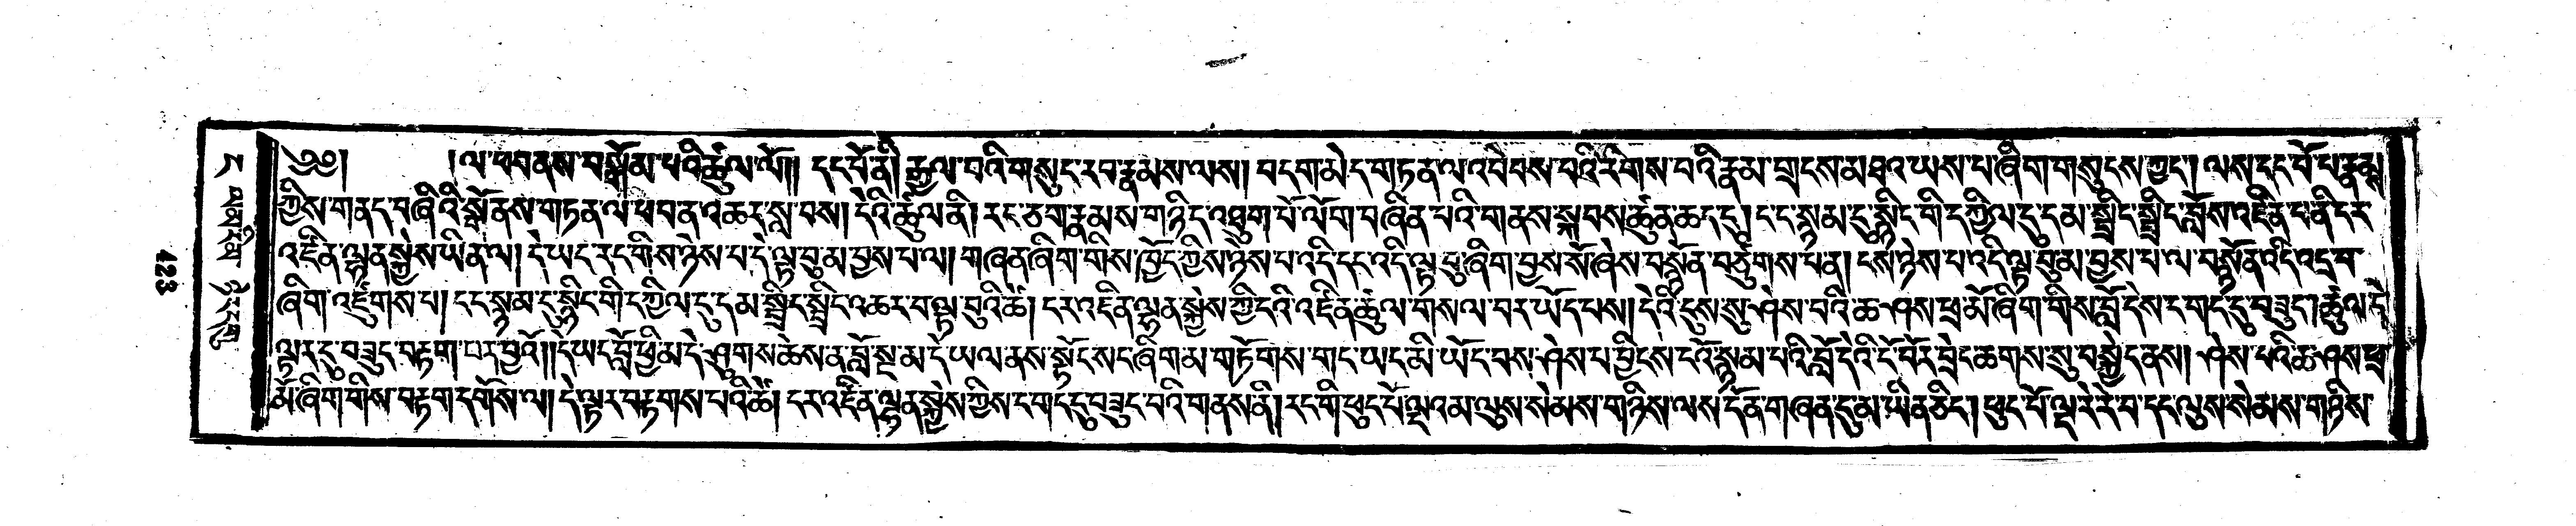༄༅། །ལ་ཕབ་ནས་བསྒོམ་པའི་ཚུལ་ལོ།། དང་པོ་ནི། རྒྱལ་བའི་གསུང་རབ་རྣམས་ལས། བདག་མེད་གཏན་ལ་འབེབས་པའི་རིགས་པའི་རྣམ་གྲངས་མཐའ་ཡས་པ་ཞིག་གསུངས་ཀྱང་། ལས་དང་པོ་པ་རྣམས་
ཀྱིས་གནད་བཞིའི་སྒོ་ནས་གཏན་ལ་ཕབ་ན་འཆར་སླ་བས། དེའི་ཚུལ་ནི། རང་ཅག་རྣམས་གཉིད་འཐུག་པོ་ལོག་བཞིན་པའི་གནས་སྐབས་ཚུན་ཆད་དུ། ངང་སྙམ་དུ་སྙིང་གི་དཀྱིལ་དུ་དམ་སྦྲིང་སྦྲིང་བློས་འཛིན་པ་ནི་ངར་
འཛིན་ལྷན་སྐྱེས་ཡིན་ལ། དེ་ཡང་རང་གིས་ཉེས་པ་དེ་ལྟ་བུ་མ་བྱས་པ་ལ། གཞན་ཞིག་གིས་ཁྱོད་ཀྱིས་ཉེས་པ་འདི་དང་འདི་ལྟ་བུ་ཞིག་བྱས་སོ་ཞེས་བསྙོན་བཙུགས་པ་ན། ངས་ཉེས་པ་འདི་ལྟ་བུ་མ་བྱས་པ་ལ་བསྙོན་འདི་འདྲ་བ་
ཞིག་འཛུགས་པ། ང་ང་སྙམ་དུ་སྙིང་གི་དཀྱིལ་དུ་དམ་སྦྲིང་སྦྲིང་འཆར་བ་ལྟ་བུའི་ཚེ། ངར་འཛིན་ལྷན་སྐྱེས་ཀྱི་ངའི་འཛིན་ཚུལ་གསལ་བར་ཡོད་པས། དེའི་དུས་སུ་ཤེས་པའི་ཆ་ཤས་ཕྲ་མོ་ཞིག་གིས་བློ་དེས་ང་གང་དུ་བཟུང་། ཚུལ་ཇི་
ལྟར་དུ་བཟུང་བརྟག་པར་བྱའོ། །དེ་ཡང་བློ་ཕྱི་མ་དེ་ཤུགས་ཆེས་ན་བློ་སྔ་མ་དེ་ཡལ་ནས་སྟོང་སང་ཞིག་མ་གཏོགས་གང་ཡང་མི་ཡོང་བས་ཤེས་པ་བྱིངས་ངའོ་སྙམ་པའི་བློ་དེའི་ངོ་བོར་བྲེང་ཆགས་སུ་བསྐྱེད་ནས། ཤེས་པའི་ཆ་ཤས་ཕྲ་
མོ་ཞིག་གིས་བརྟག་དགོས་ལ། དེ་ལྟར་བརྟགས་པའི་ཚེ། ངར་འཛིན་ལྷན་སྐྱེས་ཀྱིས་ང་གང་དུ་བཟུང་བའི་གནས་ནི། རང་གི་ཕུང་པོ་ལྔའམ་ལུས་སེམས་གཉིས་ལས་དོན་གཞན་དུ་མ་ཡིན་ཅིང་། ཕུང་པོ་ལྔ་རེ་རེ་བ་དང་ལུས་སེམས་གཉིས་